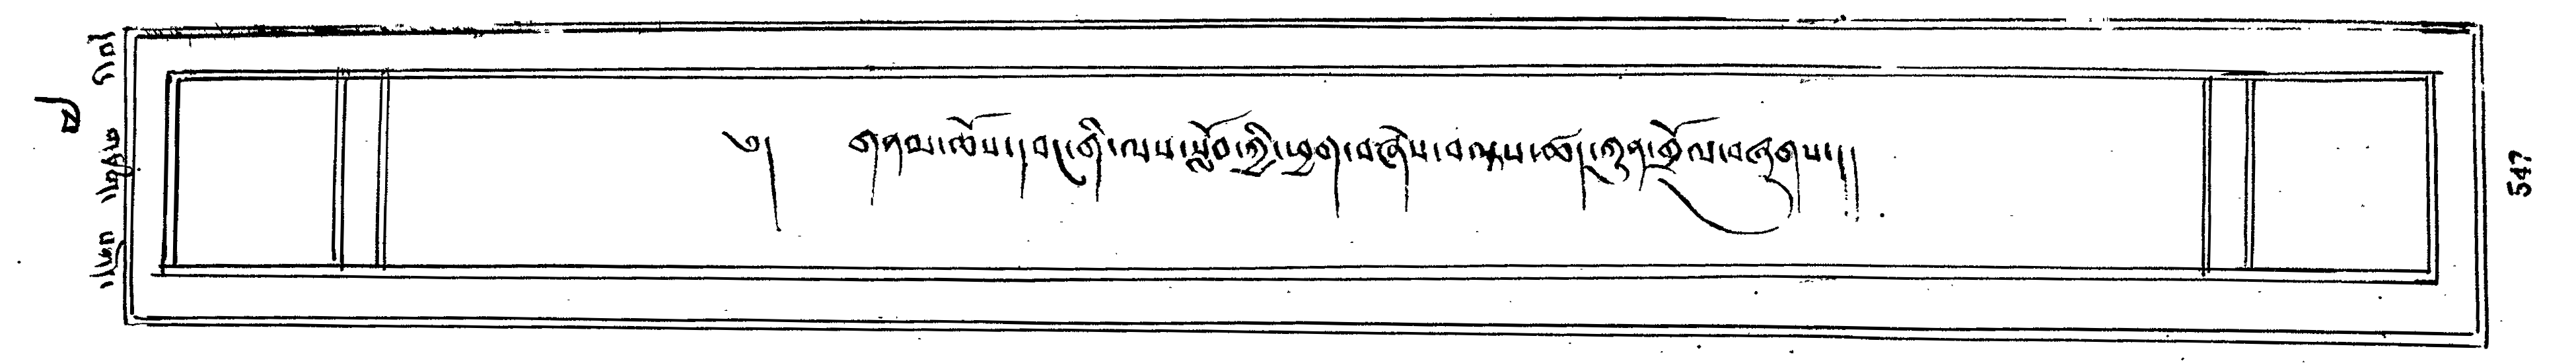༄། གནམ་ཆོས་དབག་གི་ལས་སློབ་ཀྱི་ཕྱག་བཞེས་བལྟས་ཚད་ཀུན་གྲོལ་བཞུགས།།